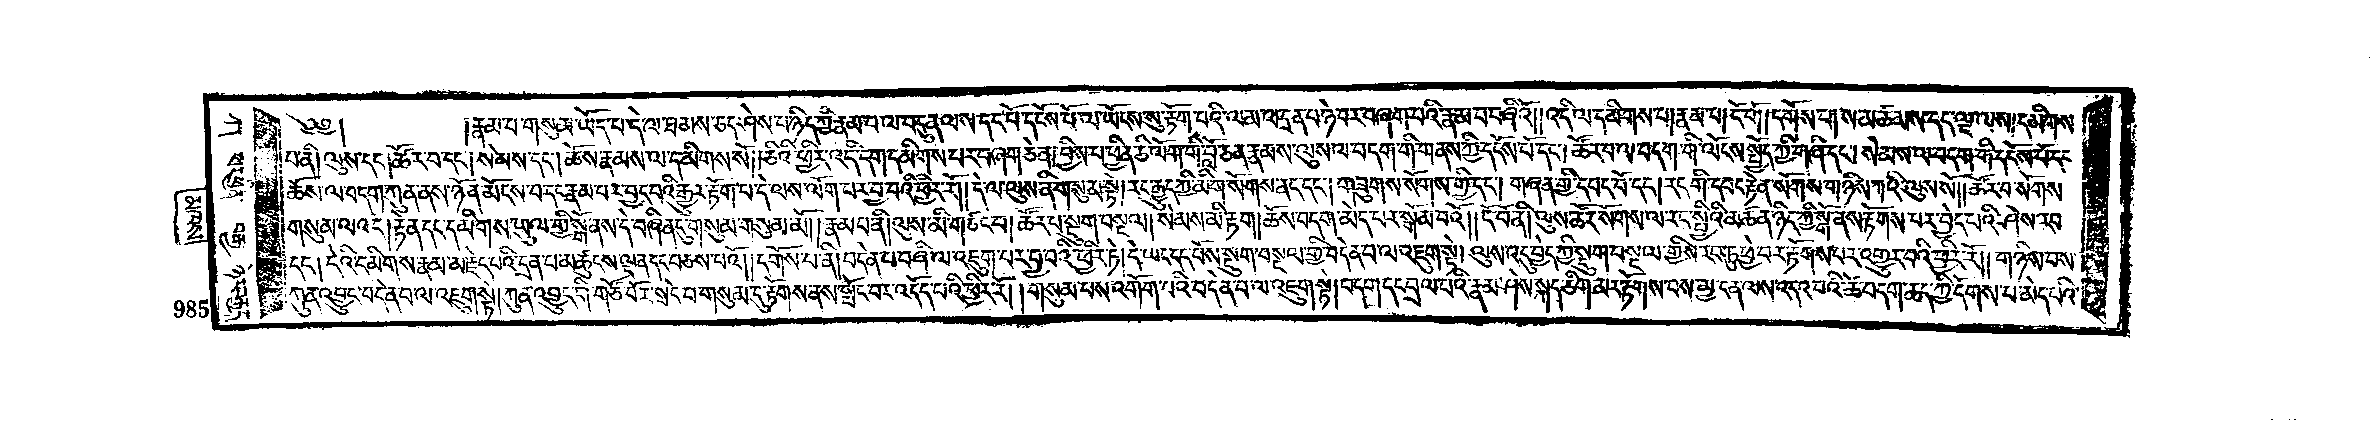༄༅། །རྣམ་པ་གསུམ་ཡོད་པ་དེ་ལ་ཐམས་ཅད་ཤེས་པ་ཉིད་ཀྱི་རྣམ་པ་ལ་བདུན་ལས་དན་གྤོ་དངོས་པོ་ལ་ཡོངས་སུ་རྟོག་པའི་ལམ་ལ་དྲན་པ་ཉེ་བར་བཞག་པའི་རྣམ་པ་བཞིའོ། །འདི་ལ་དམིགས་པ། རྣམ་པ། ངོ་བོ། །དགོས་པ། ས་མཚམས་དང་ལྔ་ལས། དམིགས་
པ་ནི། ལུས་དང་། ཚོར་བ་དང་། སེམས་དང་། ཆོས་རྣམས་ལ་དམིགས་སོ། །ཅིའི་ཕྱིར་འདི་དག་དམིགས་པར་བཞག་ཅེ་ན། བྱིས་པ་ཕྱིན་ཅི་ལོག་གི་བློ་ཅན་རྣམས་ལུས་ལ་བདག་གི་གནས་ཀྱི་དངོས་པོ་དང་། ཚོར་བ་ལ་བདག་གི་ལོངས་སྤྱོད་ཀྱི་གཞི་དང་། སེམས་ལ་བདག་གི་དངོས་པོ་དང་
ཆོས་ལ་བདག་ཀུན་ནས་ཉོན་མོངས་པ་དང་རྣམ་པར་བྱང་བའི་རྒྱུར་རྟོག་པ་དེ་ལས་ལོག་པར་བྱ་བའི་ཕྱིར་རོ། །དེ་ལ་ལུས་ནི་གསུམ་སྟེ། རང་རྒྱུད་ཀྱི་མིག་སོགས་ནང་དང་། གཟུགས་སོགས་གྱི་དང་། གཞན་གྱི་དབང་པོ་དང་། རང་གི་དབང་རྟེན་སོགས་གཉིས་ཀའི་ལུས་སོ། །ཚོར་བ་སོགས་
གསུམ་ལའང་། རྟེན་དང་དམིགས་ཡུལ་གྱི་སྒོ་ནས་དེ་བཞིན་དུ་གསུམ་གསུམ་མོ། །རྣམ་པ་ནི། ལུས་མི་གཙང་བ། ཚོར་པ་སྡུག་བསྔལ། སེམས་མི་རྟག། ཆོས་བདག་མེད་པར་སྒོམ་བའོ། །ངོ་བོ་ནི། ལུས་ཚོར་སོགས་ལ་རང་སྤྱིའི་མཚན་ཉིད་ཀྱི་སྒོ་ནས་རྟོགས་པར་བྱེད་པའི་ཤེས་རབ་
དང་། དེའི་དམིགས་རྣམ་མ་རྗེད་པའི་དྲན་པ་མཚུངས་ལྡན་དང་བཅས་པའོ། །དགོས་པ་ནི། བདེན་པ་བཞི་ལ་འཇུག་པར་བྱ་བའི་ཕྱིར་ཏེ། དེ་ཡང་དང་པོས་སྡུག་བསྔལ་གྱི་བདེན་པ་ལ་འཇུག་སྟེ། ལུས་འདུ་བྱེད་ཀྱི་སྡུག་བསྔལ་གྱིས་རབ་ཏུ་ཕྱེ་བར་རྟོགས་པར་འགྱུར་བའི་ཕྱིར་རོ། །གཉིས་པས་
ཀུན་འབྱུང་བདེན་པ་ལ་འཇུག་སྟེ། ཀུན་འབྱུང་གི་གཙོ་བོར་སྲེད་པ་གསུམ་དུ་རྟོགས་ནས་སྤོང་བར་འདོད་པའི་ཕྱིར་རོ། །གསུམ་པས་འགོག་པའི་བདེན་པ་ལ་འཇུག་སྟེ། བདག་དང་བྲལ་པའི་རྣམ་ཤེས་སྐད་ཅིག་མར་རྟོགས་པས་མྱ་ངན་ལས་འདའ་བའི་ཚེ་བདག་ཆད་ཀྱི་དོགས་པ་མེད་པའི་